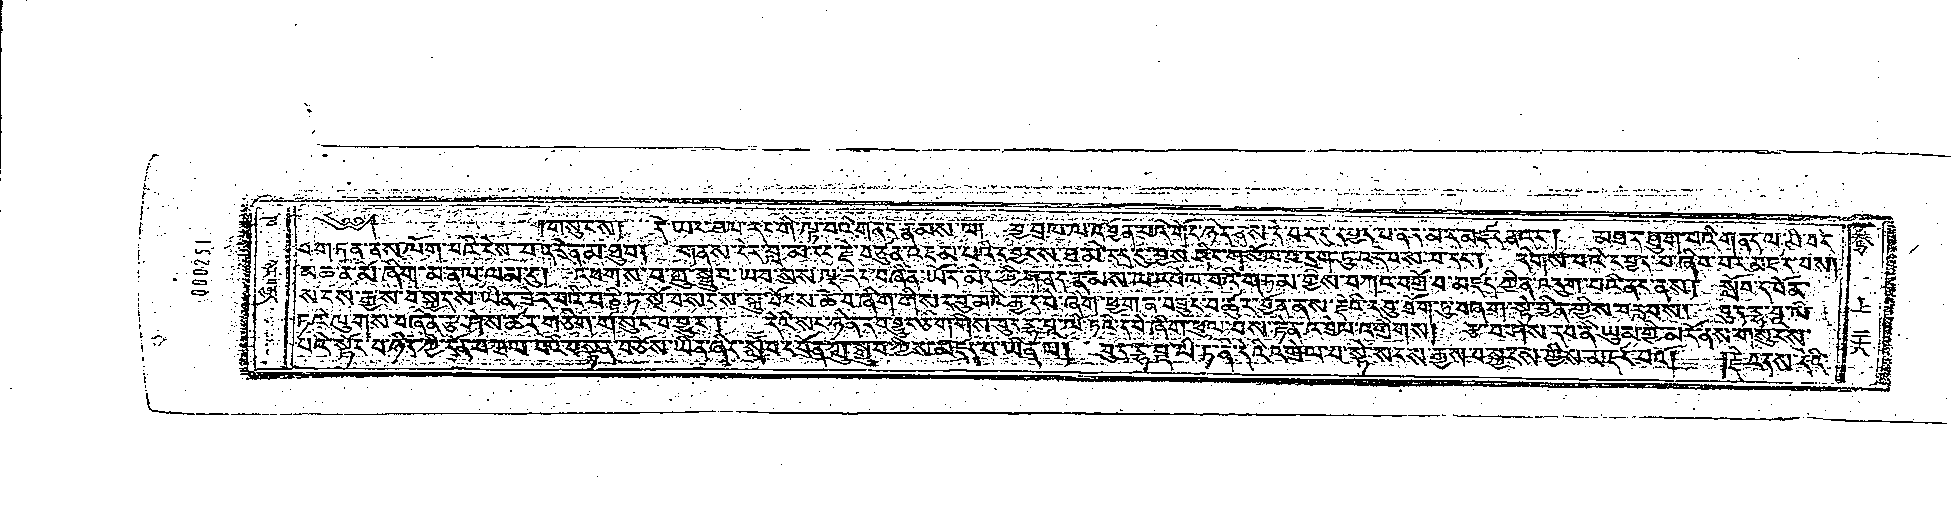༄༅། །གསུངས། དེ་ཡང་ཐལ་རང་གི་ལྟ་བའི་གནང་རྣམས་ལ། བྱ་བྲལ་ལ་འབྱོན་པའི་གོང་ཉིད་ནས་དེ་བར་དུ་དཔྱད་པ་ནད་མར་མཛད་ནའང་། མཐར་ཐུག་པའི་གནང་ལ་མི་བདེ་
བ་གཏན་ནས་ལོག་པའི་ངེས་པ་འདྲེན་མ་ཐུབ། གནས་དེར་བླ་མ་དང་རྗེ་བཙུན་འཇམ་པའི་དབྱངས་ཐ་མི་དད་དུ་བྱས་ཤིང་གསོལ་བ་དྲག་ཏུ་འདེབས་པ་དང་། རིགས་པའི་དཔྱད་པ་ཞིབ་པར་མཛད་པས།
མཚན་མོ་ཞིག་མནལ་ལམ་དུ། འཕགས་པ་ཀླུ་སྒྲུབ་ཡབ་སྲས་ལྔ་དང་བཞིན་ཡོད་མེད་ཀྱི་གནད་རྣམས་ལ་འབེལ་བའི་གཏམ་གྱིས་བཀའ་བགྲོ་བ་མཛད་ཀྱིན་འདུག་པའི་ནང་ནས། སློབ་དཔོན་
སངས་རྒྱས་བསྐྱངས་ཡིན་ཟེར་བའི་པཎྜི་ཏ་སྔོ་བསངས་སྐུ་བོངས་ཆེ་བ་ཞིག་གིས་དབུ་མའི་རྒྱུ་དཔེ་ཞིག་ཕྱག་ན་བཟུང་བ་ཚུར་བྱོན་ནས་རྗེའི་དབུ་ཐོག་ཏུ་བཞག་སྟེ་བྱིན་གྱིས་བརླབས། བུདྡྷ་བཱ་ལི་
ཏའི་ལུགས་བཞིན་རྩ་ཤེས་ཚར་གཅིག་གསུང་བ་བྱུང་། དེའི་སང་ཉིན་རབ་བྱུང་ཅིག་གིས་བུདྡྷ་པཱ་ལི་ཏའི་དཔེ་ཞིག་ཕུལ་བས་རྟེན་འབྲེལ་འགྲིགས། རྩ་བ་ཤེས་རབ་ནི་ཡུམ་གྱི་མདོ་ནས་གསུངས་
པའི་སྟོང་པ་ཉིད་ཀྱི་དོན་བཀྲལ་བའི་བསྟན་བཅོས་ཡིན་ཞིང་སློབ་དཔོན་ཀླུ་སྒྲུབ་ཀྱིས་མཛད་པ་ཡིན་ལ། བུདྡྷ་བཱ་ལི་ཏ་ནི་དེའི་འགྲེལ་པ་སྟེ་སངས་རྒྱས་བསྐྱངས་ཀྱིས་མཛད་པའོ། །རྗེ་འདས་དེའི་